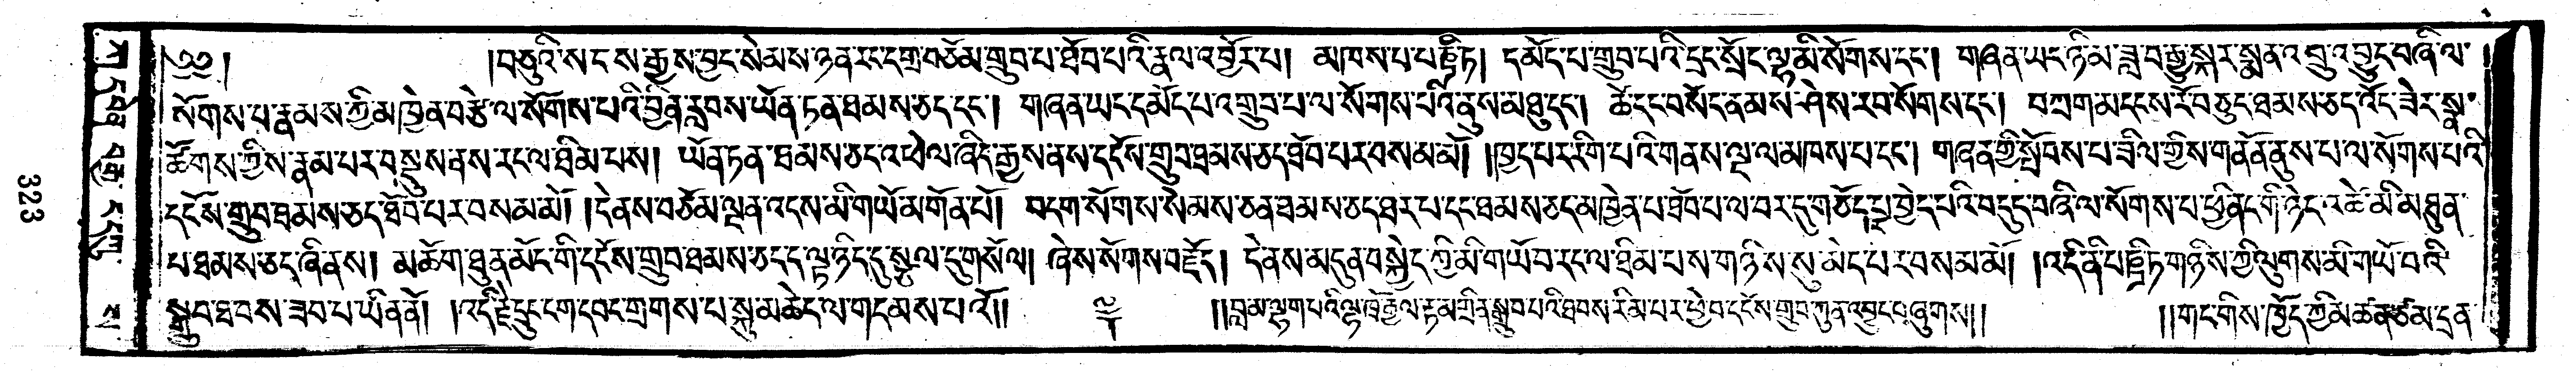༄༅། །བཅུའི་སངས་རྒྱས་བྱང་སེམས་ཉན་རང་དགྲ་བཅོམ་གྲུབ་པ་ཐོབ་པའི་རྣལ་འབྱོར་པ། མཁས་པ་པཎྜི་ཏ། དམོད་པ་གྲུབ་པའི་དྲང་སྲོང་ལྷ་མི་སོགས་དང་། གཞན་ཡང་ཉི་མ་ཟླ་བ་རྒྱུ་སྐར་སྨན་འབྲུ་འབྱུང་བཞི་ལ་
སོགས་པ་རྣམས་ཀྱི་མཁྱེན་བརྩེ་ལ་སོགས་པའི་བྱིན་རླབས་ཡོན་ཏན་ཐམས་ཅད་དང་། གཞན་ཡང་དམོད་པ་འགྲུབ་པ་ལ་སོགས་པའི་ནུས་མཐུ་དང་། ཚེ་དང་བསོད་ནམས་ཤེས་རབ་སོགས་དང་། བཀྲག་མདངས་རོ་བཅུད་ཐམས་ཅད་འོད་ཟེར་སྣ་
ཚོགས་ཀྱིས་རྣམ་པར་བསྡུས་ནས་རང་ལ་ཐིམ་པས། ཡོན་ཏན་ཐམས་ཅད་འཕེལ་ཞིད་རྒྱས་ནས་དངོས་གྲུབ་ཐམས་ཅད་ཐོབ་པར་བསམ་མོ། །ཁྱད་པར་རིག་པའི་གནས་ལྔ་ལ་མཁས་པ་དང་། གཞན་གྱི་སྤོབས་པ་ཟིལ་གྱིས་གནོན་ནུས་པ་ལ་སོགས་པའི་
དངོས་གྲུབ་ཐམས་ཅད་ཐོབ་པར་བསམ་མོ། །དེ་ནས་བཅོམ་ལྡན་འདས་མི་གཡོ་མགོན་པོ། བདག་སོགས་སེམས་ཅན་ཐམས་ཅད་ཐར་པ་དང་ཐམས་ཅད་མཁྱེན་པ་ཐོབ་པ་ལ་བར་དུ་གཅོད་པར་བྱེད་པའི་བདུད་བཞི་ལ་སོགས་པ་ཕྱི་ནང་གི་ཉེད་འཚེ་མི་མཐུན་
པ་ཐམས་ཅད་ཞི་ནས། མཆོག་ཐུན་མོང་གི་དངོས་གྲུབ་ཐམས་ཅད་ད་ལྟ་ཉིད་དུ་སྩལ་དུ་གསོལ། ཞེས་སོགས་བརྗོད། དེ་ནས་མདུན་བསྐྱེད་ཀྱི་མི་གཡོབ་རང་ལ་ཐིམ་པས་གཉིས་སུ་མེད་པར་བསམ་མོ། །འདི་ནི་པཎྜི་ཏ་གཉིས་ཀྱི་ལུགས་མི་གཡོ་བའི་
སྒྲུབ་ཐབས་ཟབ་པ་ཡིན་ནོ། །འདི་རྗེ་དྲུང་ངག་དབང་གྲགས་པ་སྐུ་མཆེད་ལ་གདམས་པའོ།། ༈ །།བླ་མ་ལྷག་པའི་ལྷ་ཁྲོ་རྒྱལ་རྟ་མགྲིན་སྒྲུབ་པའི་ཐབས་རིམ་པར་ཕྱེ་བ་དངོས་གྲུབ་ཀུན་འབྱུང་བཞུགས།། །།གང་གིས་ཁྱོད་ཀྱི་མཚན་ཙམ་དྲན་